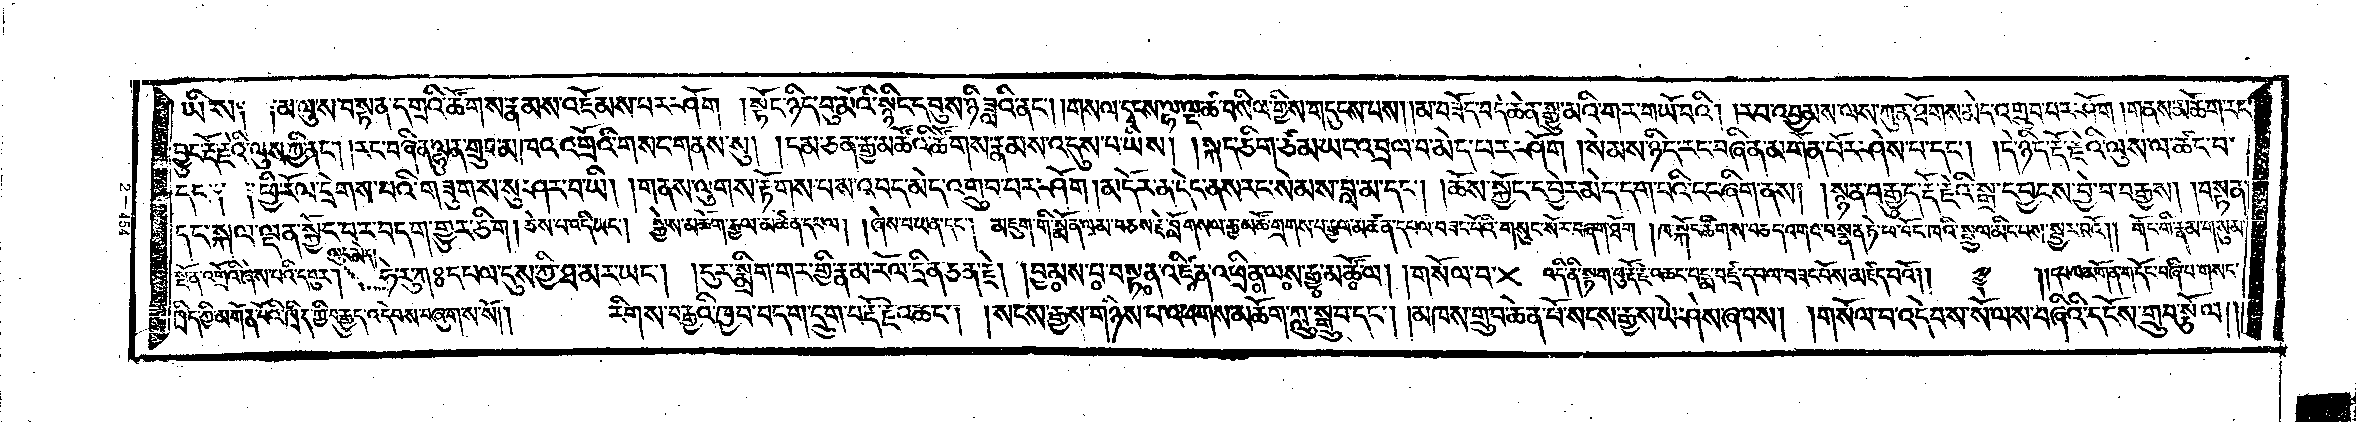ཡིས༑ ༑མ་ལུས་བསྟན་དགྲའི་ཚོགས་རྣམས་འཇོམས་པར་ཤོག །སྟོང་ཉིད་བུ་མོའི་སྙིང་དབུས་ཉི་ཟླའི་ནང་། །གསལ་དྭངས་ལྷ་ལྔ་ཚ་བསིལ་གྱིས་གདུངས་པས། །མ་བཟོད་བདེ་ཆེན་སྒྱུ་མའི་གར་གཡོ་བའི། །རབ་འབྱམས་ལས་ཀུན་ཐོགས་མེད་འགྲུབ་པར་ཤོག །གནས་མཆོག་རང་
བྱུང་རྡོ་རྗེའི་ལུས་ཀྱི་ནང་། །རང་བཞིན་ལྷུན་གྲུབ་མཁའ་འགྲོའི་གསང་གནས་སུ། །དམ་ཅན་རྒྱ་མཚོའི་ཚོགས་རྣམས་འདུས་པ་ཡིས། །སྐད་ཅིག་ཙམ་ཡང་འབྲལ་བ་མེད་པར་ཤོག །སེམས་ཉིད་རང་བཞིན་མགོན་པོར་ཤེས་པ་དང་། །དེ་ཉིད་རྡོ་རྗེའི་ལུས་ལ་ཚང་བ་
དང༑ ༑ཕྱི་རོལ་དྲེགས་པའི་གཟུགས་སུ་ཤར་བ་ཡི། །གནས་ལུགས་རྟོགས་པས་འབད་མེད་འགྲུབ་པར་ཤོག །མདོར་ན་དེང་ནས་རང་སེམས་བླ་མ་དང་། །ཆོས་སྐྱོང་དབྱེར་མེད་དག་པའི་དང་ཞིག་ནས། །སྙན་བརྒྱུད་རྡོ་རྗེའི་སྒྲ་དབྱངས་བྱེ་བ་བརྒྱས། །བསྟན་
དང་སྐལ་ལྡན་སྐྱོང་བར་བདག་གྱུར་ཅིག །ཅེས་པ་འདི་ཡང་། སྐྱེས་མཆོག་རྒྱལ་མཚན་དཔལ། །ཞེས་པ་ཡན་དང་། མཇུག་གི་སྨོན་ལམ་བཅས་རྗེ་བློ་གསལ་རྒྱ་མཚོ་གྲགས་པ་རྒྱལ་མཚན་དཔལ་བཟང་པོའི་གསུང་སོར་བཞག་ཐོག །ཁ་སྐོང་ཚིགས་བཅད་འགའ་བསྣན་ཏེ་ཕ་བོང་ཁའི་སྤྲུལ་མིང་བས་སྦྱར་བའོ། །གོང་གི་རྣམ་གསུམ་
སྔོན་འགྲོའི་ཞེས་པའི་དབུར། ཧེ་རུཀཿ དཔལ་དུས་ཀྱི་ཐ་མར་ཡང་། །དུར་སྨིག་གར་གྱི་རྣམ་རོལ་དྲིན་ཅན་རྗེ། །བྱམས་བ་བསྟན་འཛིན་འཕྲིན་ལས་རྒྱ་མཚོ་ལ། །གསོལ་བ་྾་འདི་ནི་སྟག་ཕུ་རྡོ་རྗེ་འཆང་པདམ་བཛྲ་དཔལ་བཟང་པོས་མཛད་པའོ།། ༈ །།དཔལ་མགོན་གདོང་བཞི་པ་གསང་
ཁྲིད་ཀྱི་མགོན་པོའི་ཁྲིད་ཀྱི་བརྒྱུད་འདེབས་བཞུགས་སོ།། རིགས་བརྒྱའི་ཁྱབ་བདག་དྲུག་པ་རྡོ་རྗེ་འཆང་། །སངས་རྒྱས་གཉིས་པ་འཕགས་མཆོག་ཀླུ་སྒྲུབ་དང་། །མཁས་གྲུབ་ཆེན་པོ་སངས་རྒྱས་ཡེ་ཤེས་ཞབས། །གསོལ་བ་འདེབས་སོ་ལས་བཞིའི་དངོས་གྲུབ་སྩོལ།།